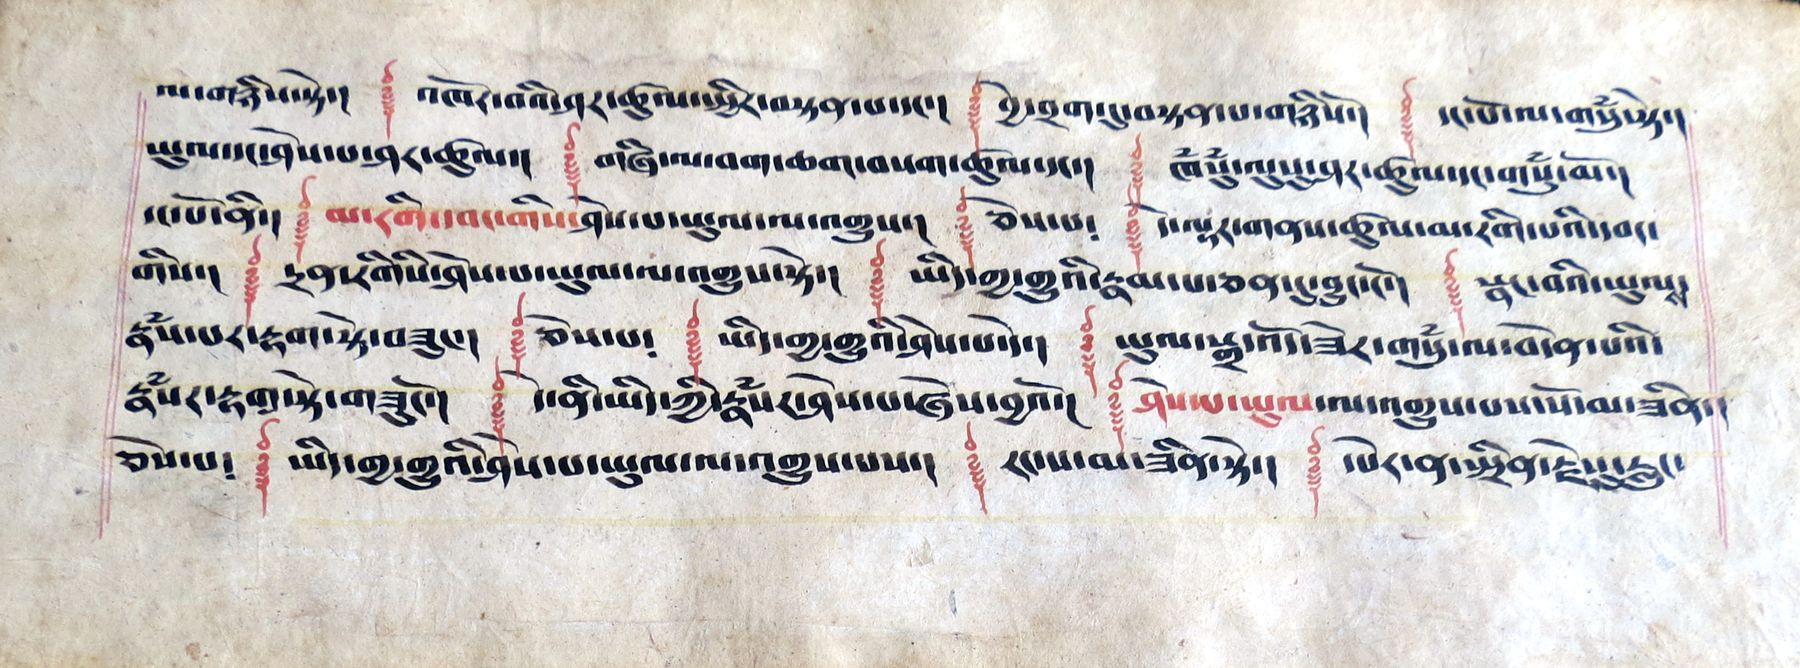ལ་གཉིས་ཏེ། འཁོར་བའི་ཤར་ཚུལ་སྤྱིར་བསྟན་པ་དང་། བྱེ་བྲག་ཏུ་བསྟན་པ་དང་གཉིས་སོ། །དང་པོ་ལ་གསུམ་སྟེ། 
ཡུལ་དང་ཤེས་པ་ཤར་ཚུལ་གཞི་ལ་བག་ཆགས་བསགས་ཚུལ་དང་། ཁམས་གསུམ་ལུས་སུ་ཤར་ཚུལ་དང་གསུམ་མོ། །
དང་པོ་ནི། མ་རིག་དབང་གིས་ཤེས་པ་ཡུལ་ལ་འགྱུས། །ཞེས་པས། དེ་ལྟར་གནས་ལུགས་མ་རིག་པའི་དབང་
གིས། དྲན་རིག་གི་ཤེས་པ་ཡུལ་ལ་འགྱུས་ཏེ། ཡིད་གྱ་གྱུའི་རྣམ་པ་ཅན་དུ་བྱུང་ངོ་། །སྣང་བའི་ཡུལ་ལ་
རྣམ་པར་བརྟག་ཏེ་བཟུང་། །ཞེས་པས་ཡིད་གྱ་གྱུའི་ཤེས་པ་དེས། ཡུལ་སྒྲ་འོད་ཟེར་གསུམ་ལ་བདེན་པའི་
རྣམ་པར་བརྟག་ཏེ་བཟུང་ངོ་། །དེ་ནི་ཡིད་ཀྱི་རྣམ་པར་ཤེས་པ་ཞེས་བྱའོ། །ཤེས་པ་ཡུལ་ལ་འགྱུས་པས་སོ་མ་ཟིན། །
ཞེས་པས། ཡིད་གྱ་གྱུའི་ཤེས་པ་ཡུལ་ལ་འགྱུས་པས་རང་ས་མ་ཟིན་ཏེ། དཔེར་ན་སྤྲིན་རྗེས་སུ་རླུང་